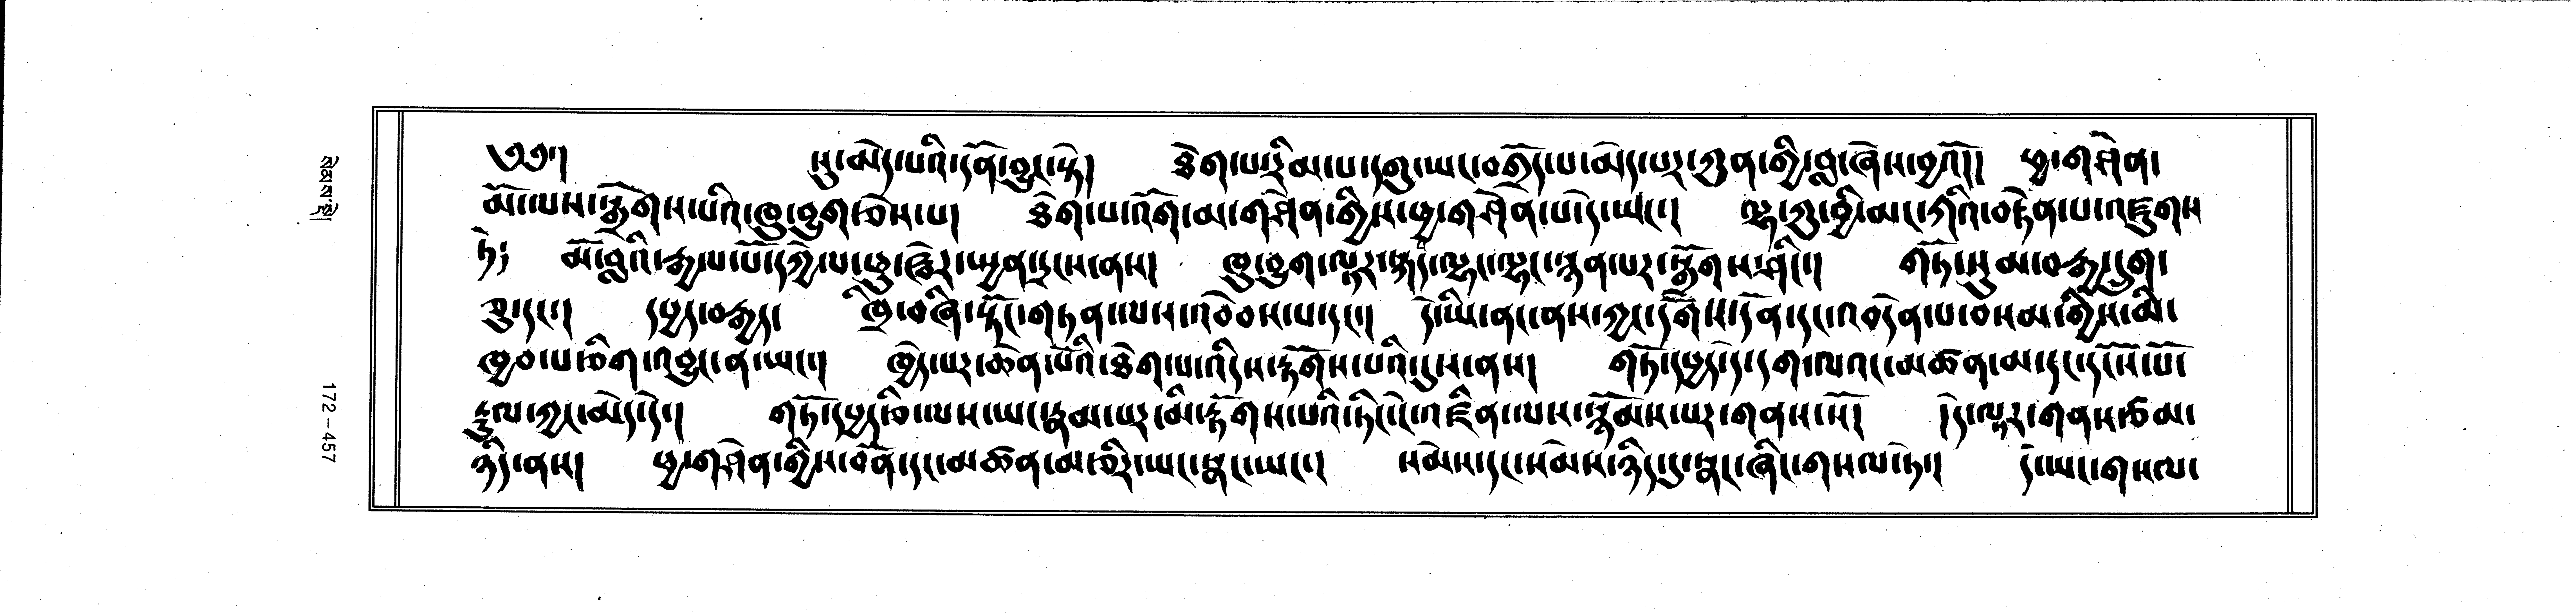སུ་མེད་པའི་དོན་བྱུང་སྟེ། ཐེག་པ་རིམ་པ་དགུ་ཡང་བགྲོད་པ་མེད་པར་ཀུན་གྱི་བློ་ཞེས་བྱའོ། ཕྱྭ་གཤེན་
མོ་ལས་སྒྲོགས་པའི་ཁུ་བྱུག་ཅེས་པ། ཐེག་པ་འོག་མ་གཤེན་གྱིས་ཕྱྭ་གཤེན་པ་དེ་ཡང་། ལྷ་ཀུ་བྱི་མང་ཀའི་བསྟན་པ་འཛུགས་
ཏེ། མོ་བླའི་རྒྱལ་པོ་དཀྱེལ་ཕུ་ཝེར་སྤྱན་དྲངས་ནས། ཁུ་བྱུག་ལྟར་སྐད་ལྷང་ལྷང་སྙན་པར་སྒྲོགས་ཤིང་། གཏོ་སུམ་བརྒྱ་དྲུག་
ཅུ་དང་། དཔྱད་བརྒྱད་ཁྲི་བཞི་སྟོང་གཏན་ལས་འབེབས་པ་དང་། དེ་ཡི་ནང་ནས་ཀྱང་དགོས་དོན་དང་བདེན་པ་བསམ་གྱིས་མི་
ཁྱབ་པ་ཅིག་འབྱུང་ན་ཡང་། ཁྱེད་པར་ཆེན་པོའི་ཐེག་པ་འདིས་རྟོགས་པའི་དུས་ནས། གཏོ་དཔྱད་དེ་དག་ལ་འང་མཚན་མ་དང་དངོས་པོ་
རྡུལ་ཀྱང་མེད་དེ། གཏོ་དཔྱད་ཅི་ལས་ཡང་རྣམ་པར་མི་རྟོགས་པའི་ཏིང་ངེ་འཛིན་ལས་སྙོམས་པར་གནས་སོ། དེ་ལྟར་གནས་ཙམ་
ཉིད་ནས། ཕྱྭ་གཤེན་གྱིས་བོན་དང་མཚན་མ་ཅིར་ཡང་སྣང་ཡང་། སེམས་དང་སེམས་ཉིད་དུ་སྣང་ཞིང་གསལ་ཏེ། དེ་ཡང་གསལ་ལས་